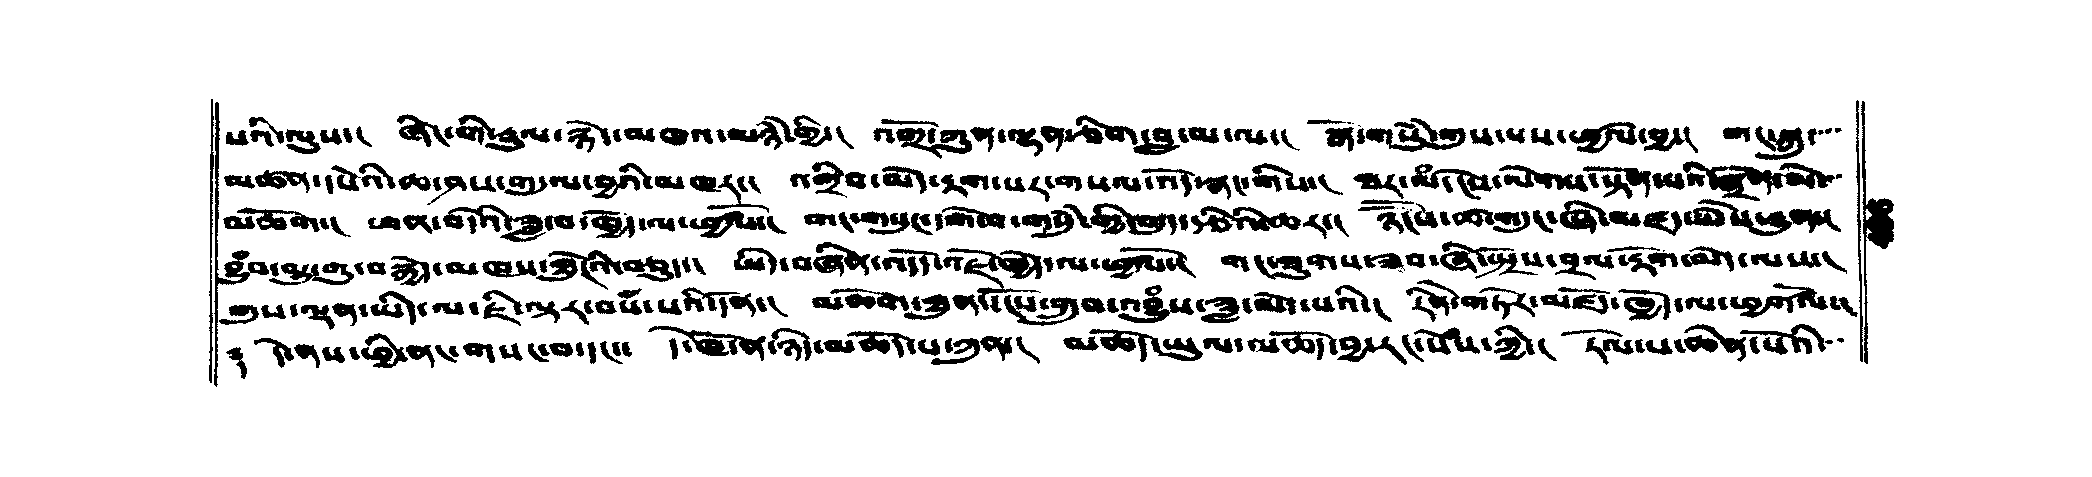པའི་ལུས། །ཞིང་གི་རྡུལ་རྙེད་མཁའ་མཉམ་གྱི། །འགྲོ་ཀུན་ལྷན་ཅིག་བླ་མ་ལ། །སྒོ་གསུམ་གུས་པས་ཕྱག་འཚལ་བྱ། །གང་སྐུ་
མཚན་དཔེའི་ཆ་ཤས་གདུལ་བྱའི་མཁར། །འགྲིབ་མེད་རྟག་པར་གསལ་བ་འོད་སྣང་གིས། །ཐར་ལམ་ངེས་ལེགས་སྟོན་པའི་སྒྲོན་མེ་
མཆོག་།ཕན་བདེ་ཟླ་བ་ཁྱོད་ལ་ཕྱག་འཚལ་ལོ། །གང་གསུང་དགེ་བ་གསུམ་གྱི་བདུད་རྩིའི་ཆར། །ཉོན་མོངས་ཚ་གདུང་ཞི་མཛད་ཡེ་ཤེས་རྒྱུན། 
བྱང་ཆུབ་མྱུ་གུ་བསྐྱེད་མཁས་ཐུགས་རྗེའི་བཅུད། །ཡིད་བཞིན་འདོད་འཇོ་ཁྱོད་ལ་ཕྱག་འཚལ་ལོ། །གང་གཟུགས་ཟབ་ཞི་སྤྲོས་བྲལ་རྟོག་མེད་ལས1$10002501$1000180། །
གུས་ལྡན་ཡིད་ལ་ཇི་ལྟར་བསམ་པའི་དོན། །མཆོག་ཐུན་དངོས་གྲུབ་འབྱུང་གནས་ཟླ་མེད་པའི། །རིན་ཆེན་གཏེར་མཛོད་ཁྱོད་ལ་ཕྱག་འཚལ་ལོ། ། 
༈ དེ་ནས་ཕྱི་ནང་གསང་བ་དང་། །དེ་ཁོ་ན་ཉིདམཆོད་པ་ཀུན། །མཆོད་ཡུལ་མཆོད་བྱ་རང་སེམས་ཀྱི། །རོལ་པ་ཆེན་པོའི་